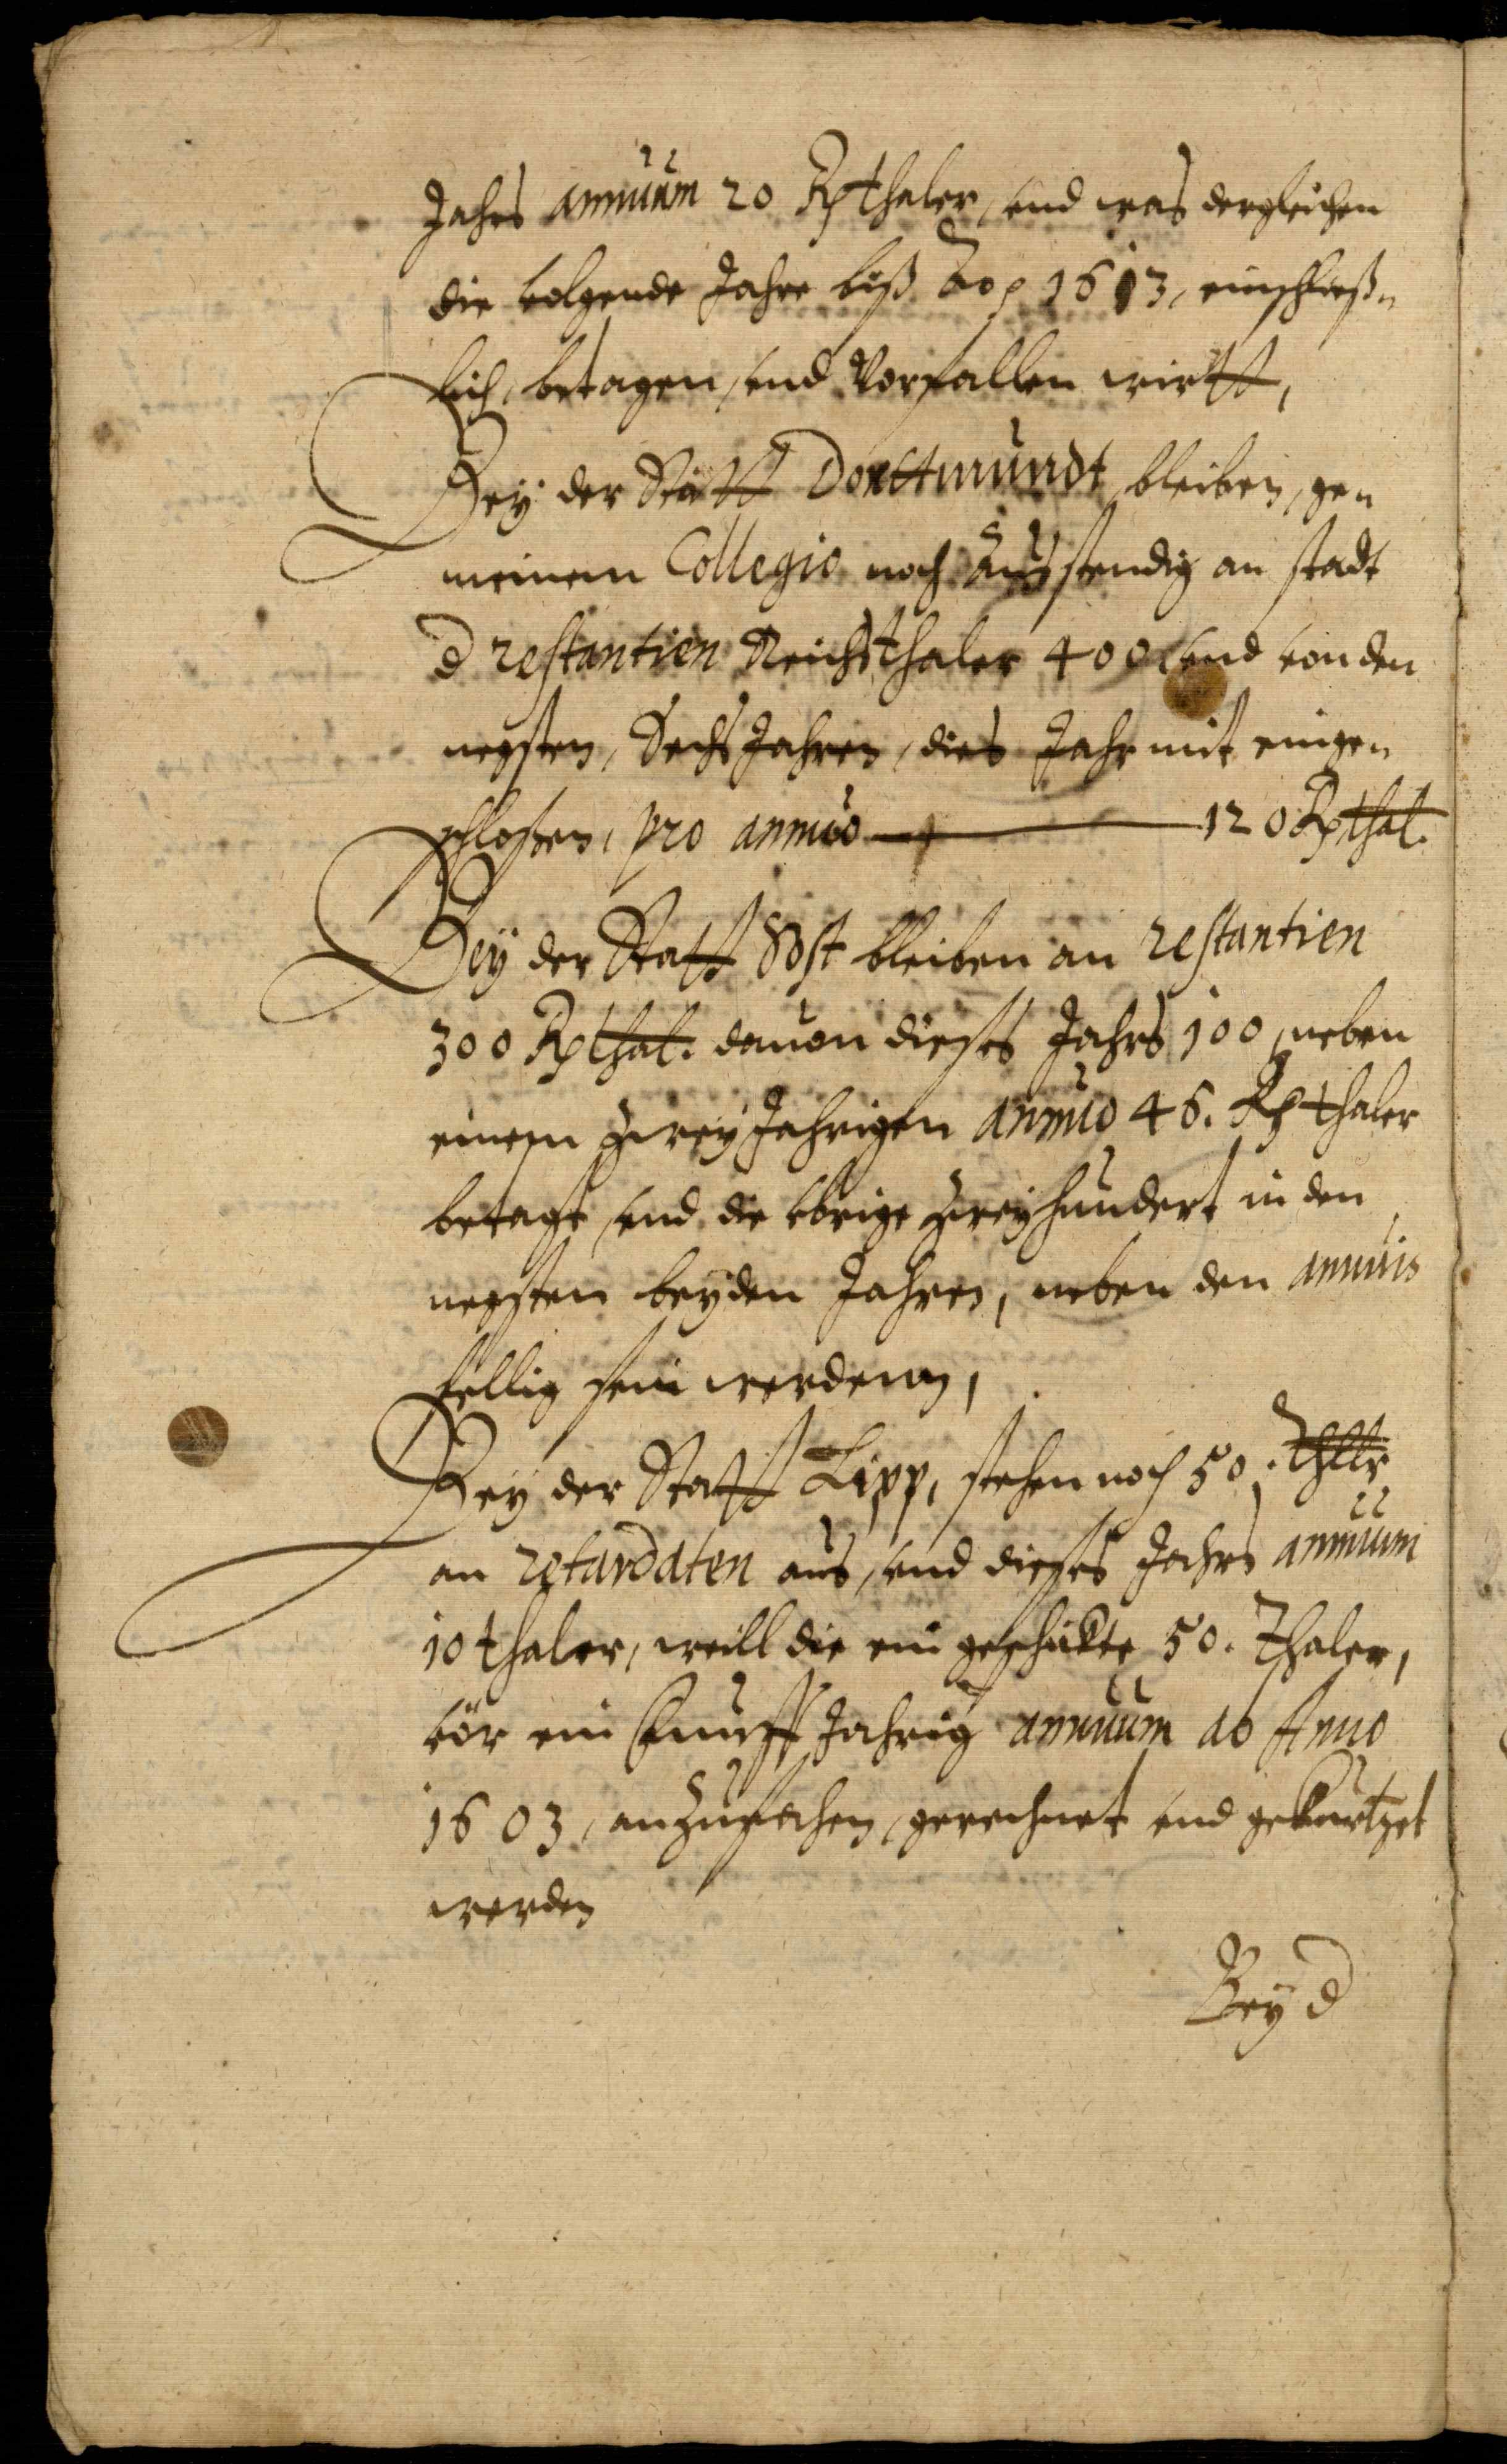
Jahres anuum 20 Reichsthaler, vnd was dergleichen
die volgende Jahre biß Ao p 1603, einschließ¬
lich, betagen, vnd vorfallen wirtt,
Beij der Stätt Dorttmundt bleiben, ge¬
meinem Collegio noch ausstendig an stadt
der restantien Reichsthaler 400 vnd von den
negsten sechs Jahren, dies Jahr mit einge¬
schlossen, pro annuo - 120 Reichsthaler
Beij der Statt Sost bleiben an restantien
300 Reichsthaler dauon dieses Jahres 100, neben
einem zweij Jahrigen annuo 46. Reichsthaler
betagt vnd die vbrige zweijhundert in den
meisten beijden Jahren, neben den annuis
fellig sein werden,
Beij der Stadt Lipp, stehen noch 50 Thaller
an retardaten aus, vnd dieses Iahres annuum
10 thaler, weill die ein geschickte 50.Thaler,
vör ein Funff Jahrig annuum ao Anno
1603, anzufahen, gerechnet vnd gekurtzet
worden
Beij der
